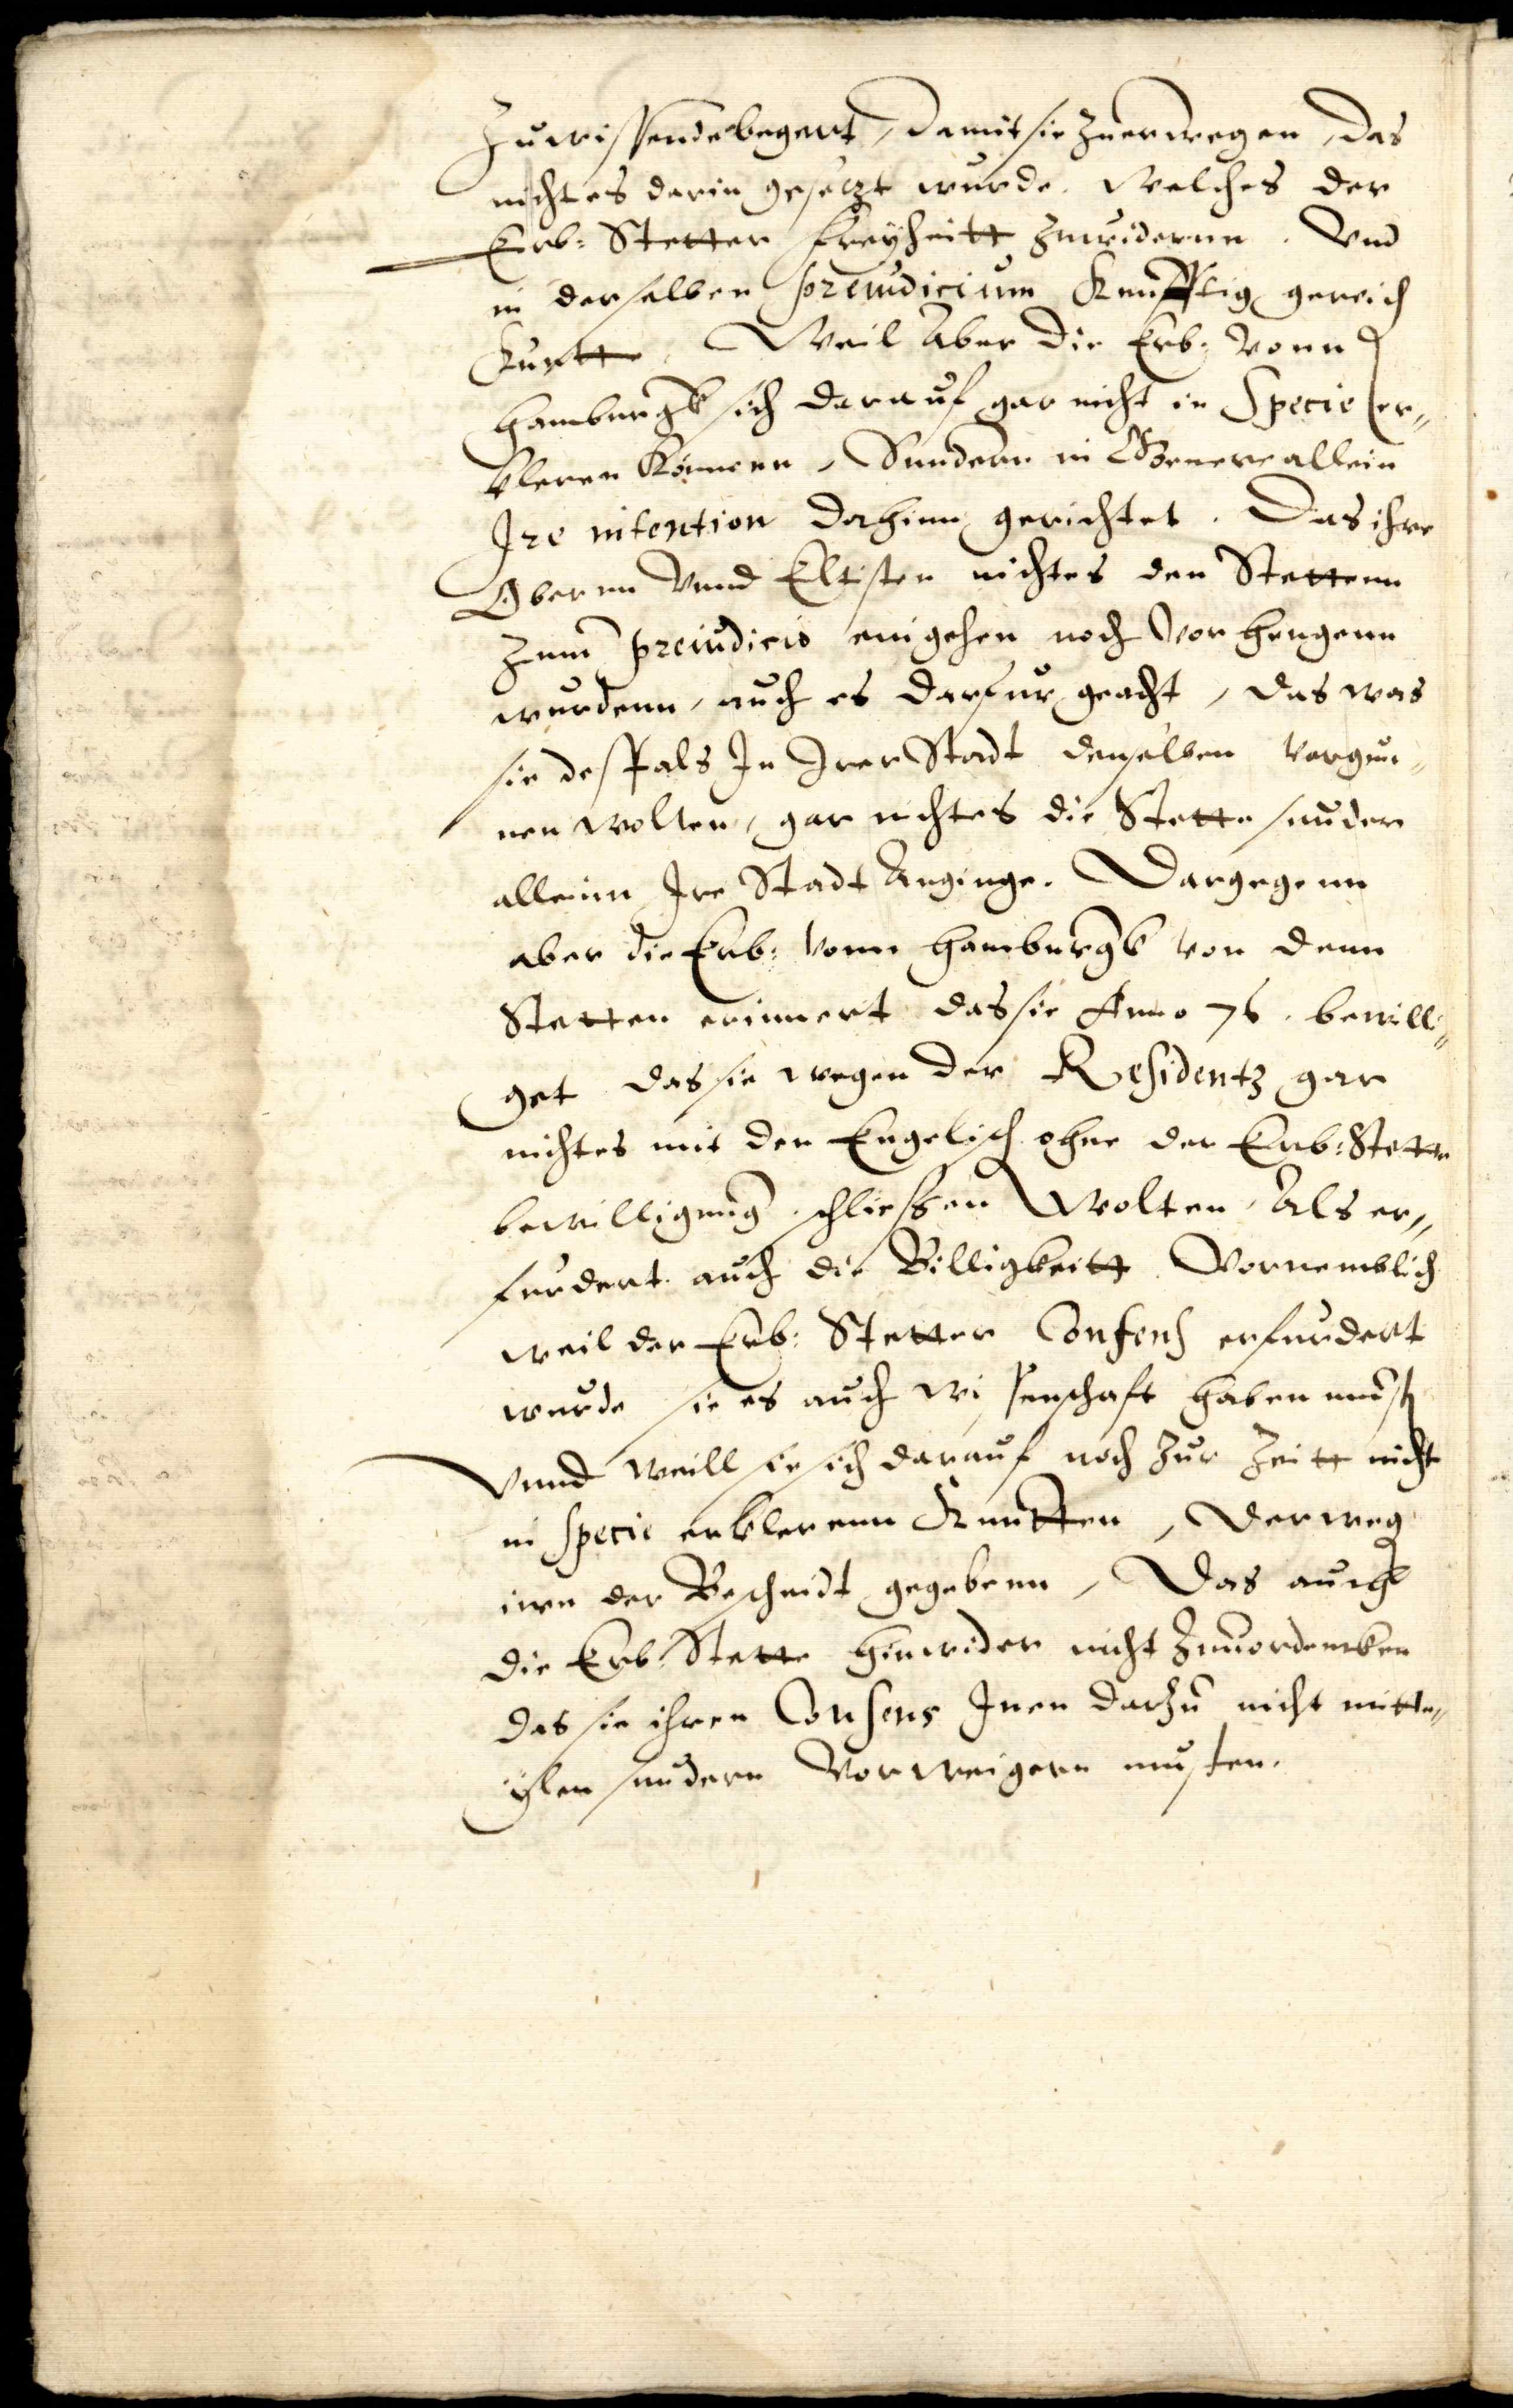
Zuwissende begert, Damit sie zu erwegen, das
nicht es darin gesetzt wurde, welches der
Erb: Stetten Freijheitt zuwidernn, Vnd
in derselben preiudicium Kunfftig gereichen
Kuntte, Weil Aber die Erb:vonn
Hamburgk sich darauf gar nicht in Specie er¬
kleren Können, Sundern in Genere allein
Ire intention dahinn gerichtet, Das ihre
Obernn Vnnd Eltisten nichtes den Stettenn
zum preiudicio eingehen noch vorhengenn
wurdenn, auch es darfur geacht, das was
sie desfals In Irer Stadt denselben vorgun¬
nen wolten, gar nichtes die Stette sundern
allein Ire Stadt Anginge, Dargegenn
aber die Erb: vonn Hamburgk von denn
Stetten erinnert das sie Anno 76. bewilli¬
get das sie wegen der Residentz gar
nichtes mit den Engelischen ohne der Erb: Stette
bewilligung schließen Wolten, Als er¬
furdert auch die Billigkeitt Vornemblich
weil der Erb: Stetter Consens erfurdert
wurde sie es auch wissenschaft haben musten
Vnnd weill sie sich darauf noch zur zeitt nicht
in Specie erklerenn Kuntten, derwegen
inen der Bescheidt gegebenn, Das auch
die Erb: Stette Hinwider nicht zuuordencken
das sie ihren Consens Inen darzu nicht mitte¬
ijlen sundern Vorweigern musten.
